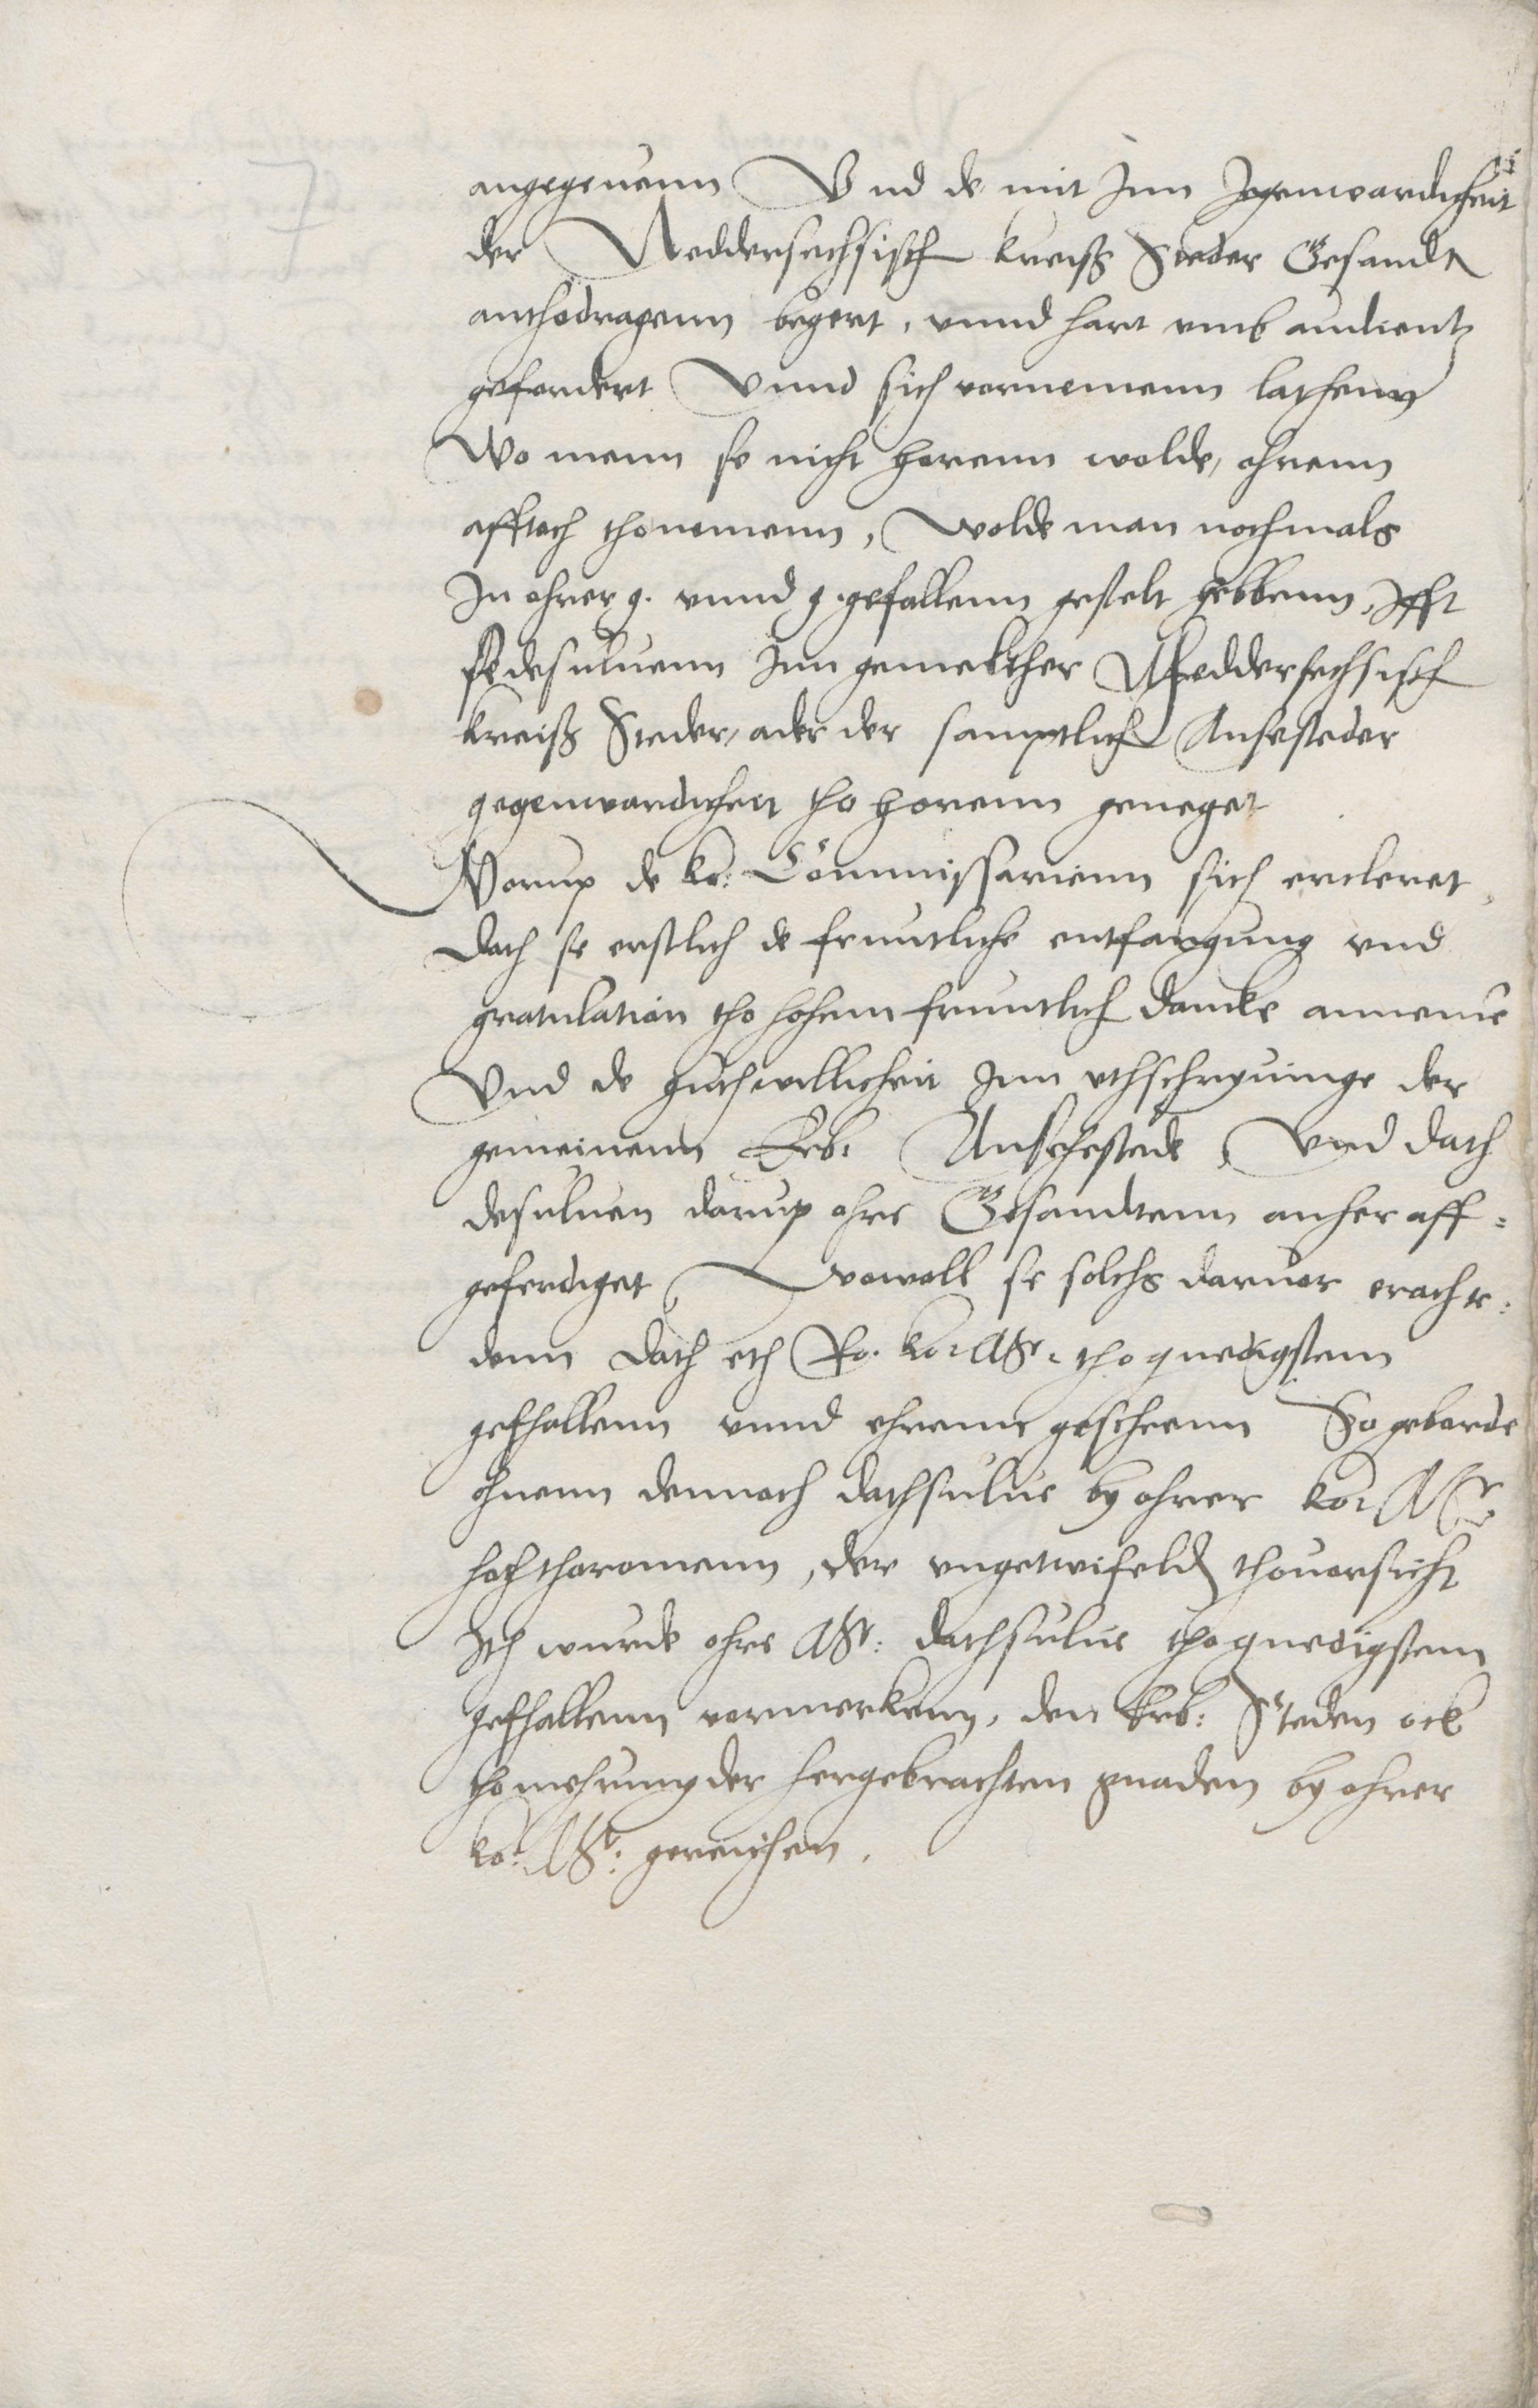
angegeuenn Vnd de mit jnn jegenwardicheit
der Neddersechsischen Kreiß Steder Gesandten
anthodragenn begert, vnnd hart vmb audientz
gefordert Vnnd sich vornemenn lathenn
Wo menn se nicht horenn wolde, ohrenn
afftoch thonemenn, Wolde man nochmals
jn ohrer g. vnnd g. gefallenn gestelt hebbenn, Jfft
se desuluenn jnn gemelther Nheddersechsischen
Kreiß Steder, ader der samptlichen Ansesteder
gegenwardicheit tho horenn geneget
Worup de Ko: Commissarienn sich ercleret
Dath se erstlich de fruntliche entfangung vnd
gratulation tho hohem fruntlichen dancke annemen
Vnd de guthwillicheit jnn vthschryuinge der
gemeinenn Erb: Ansehestede Vnd dath
desuluen darup ohre Gesandtenn anher aff¬
geferdiget Wowoll se solchs daruor erachte¬
denn dath eth Ro: Ko: M: tho gnedigstenn
gefhallenn vnnd ehrenn gescheenn So geborde
ohnenn dennoch dathsulue by ohrer Ko: M:
hochthoromenn, der vngetwifelden thouorsicht
Jth wurde ohre M: dathsulue thognedigstem
gefhallenn vormerkenn, den Erb: Steden ock
tho mehrung der hergebrachten gnaden by ohrer
Ko: M: gereichen.
